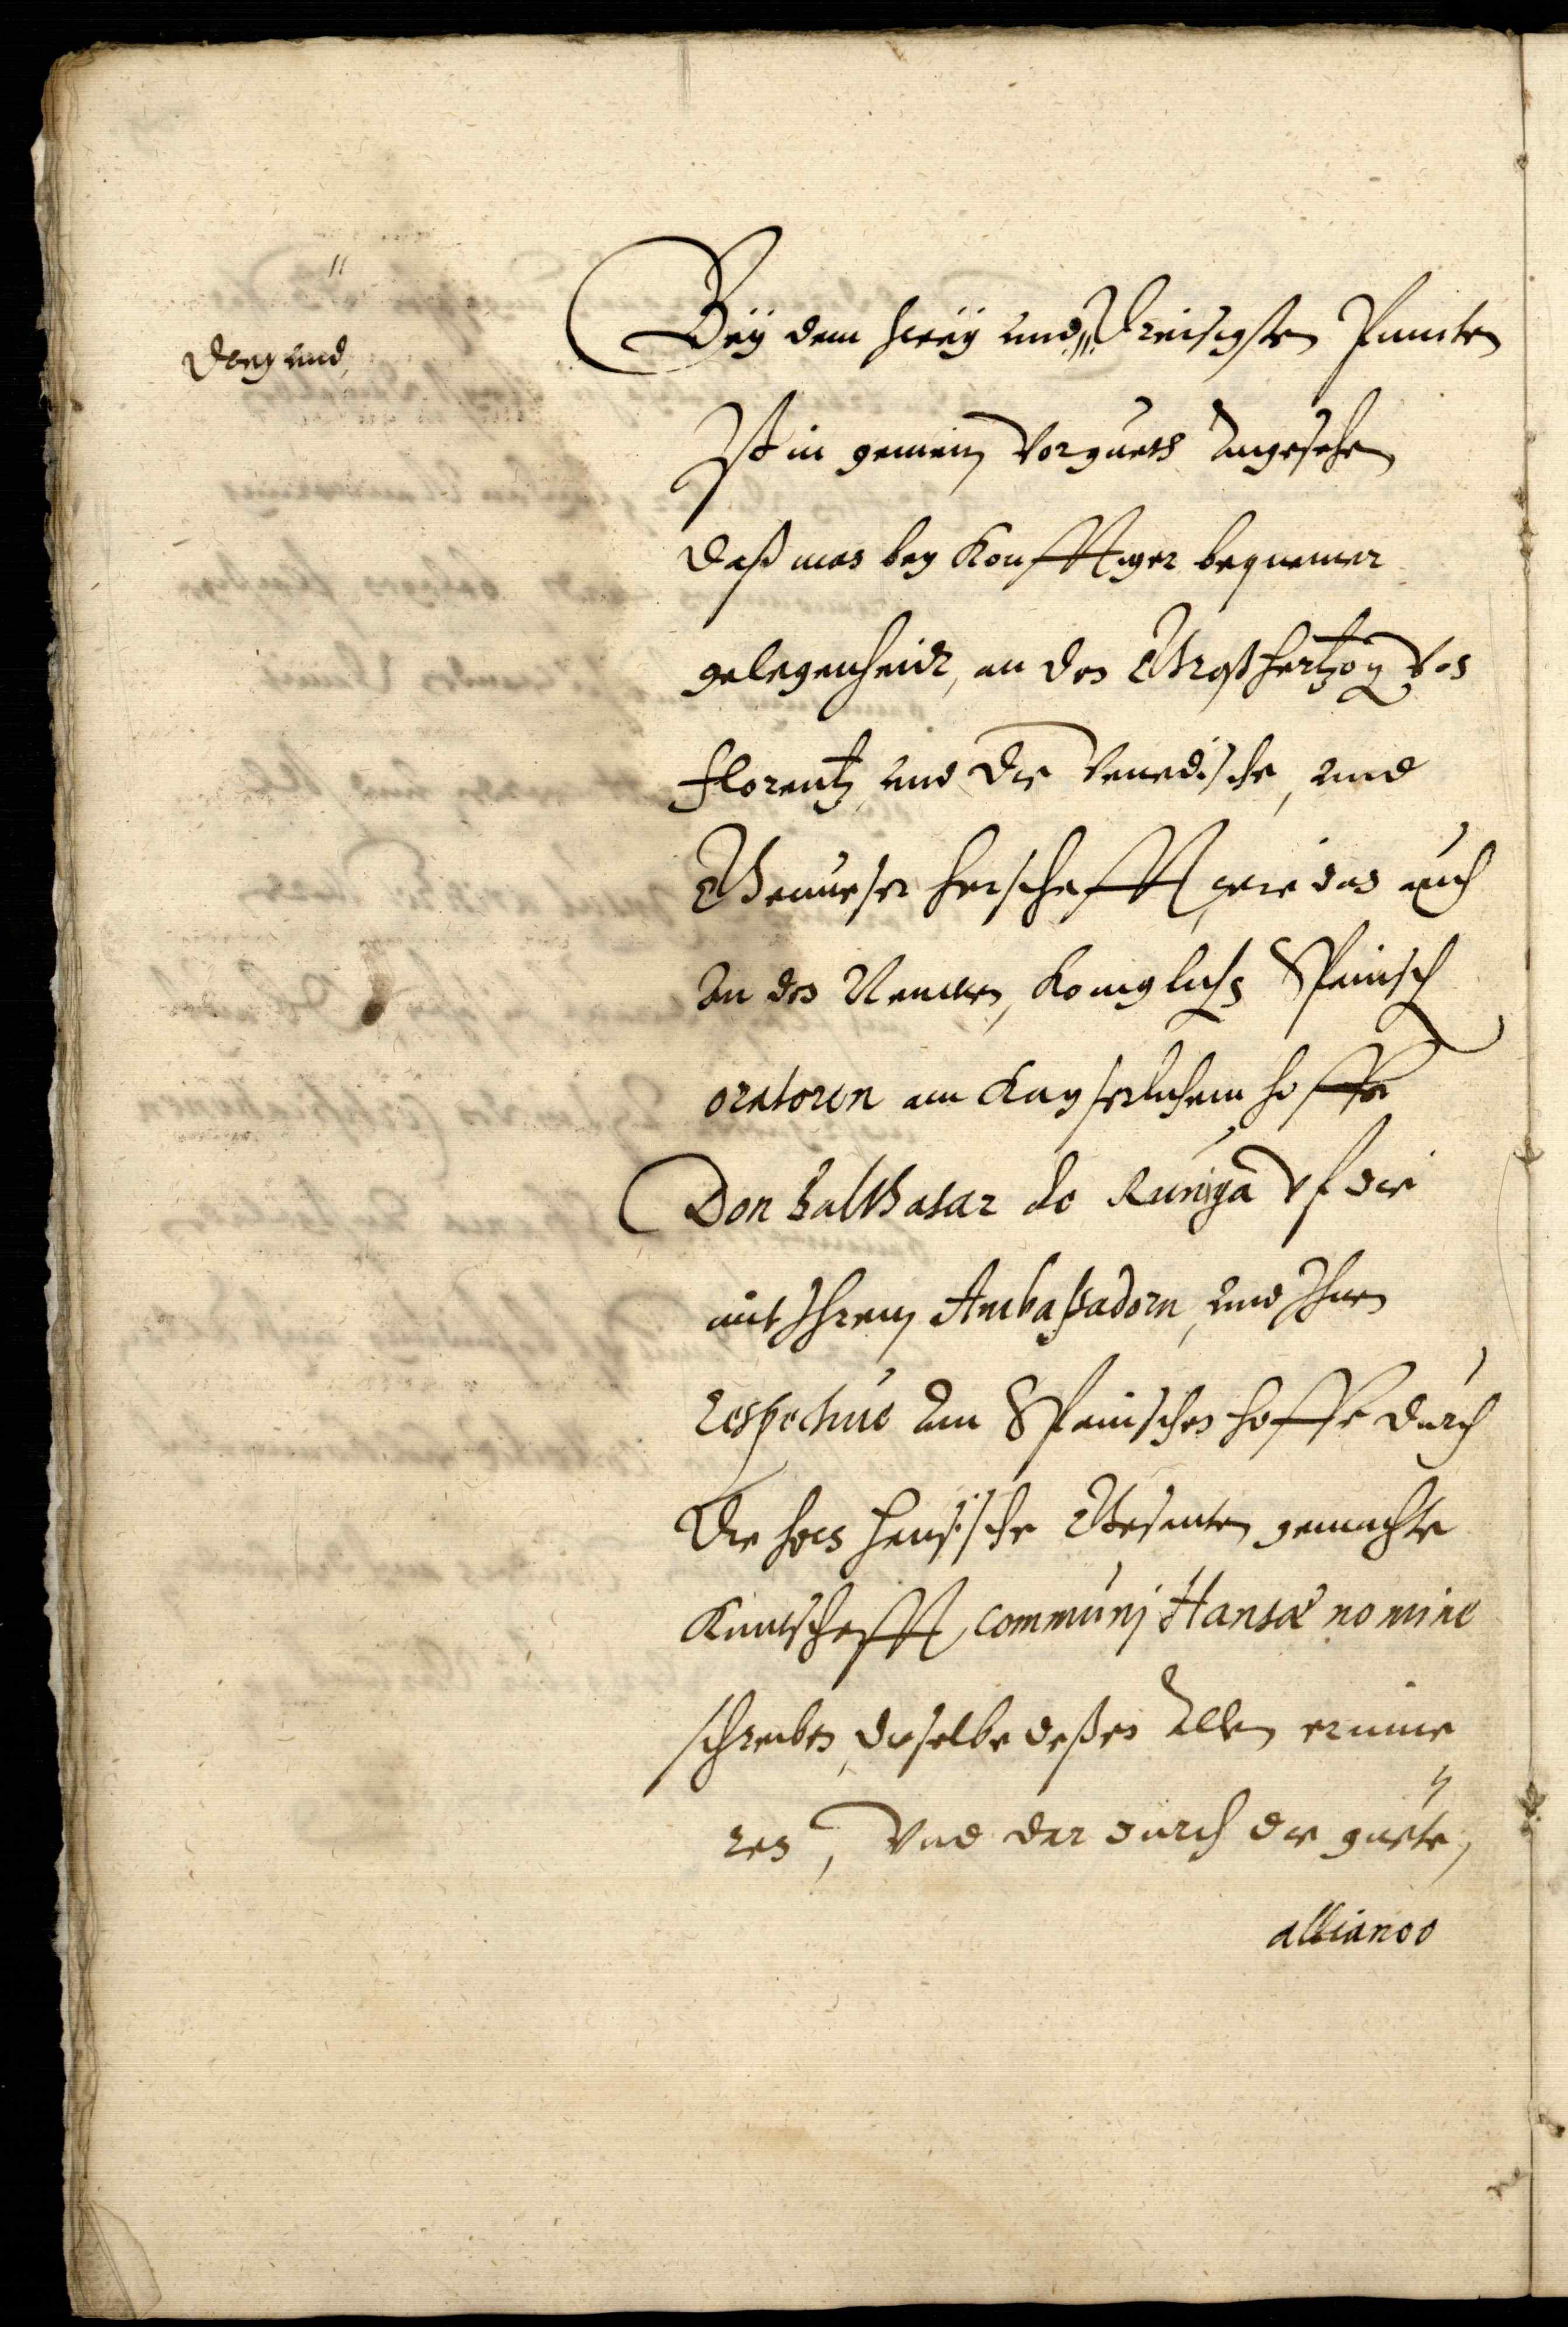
"
dreij vnd
Beij dem zweij vnd Dreisigsten Puncten
Ist ist im gemeinen vorgueth Angesehen,
daß man beij konfftiger bequemer
gelegenheidt, an den Großhertzog von
Florentz vnd die Venedische, vnd
Brauesche herschafft, wie dan auch
An den Newen, koniglich? Spanischen
oratoren am Kaijserlichen hoffe
Don Balthasar do Runiga vf die
mit Ihrem Ambassadorn, vnd Ihren
Ecspectiono Am Spanischen hoffe durch
Die hern hansische Gesanten gemachte
Kundschafft communj Hansae nomine
schreiben, dieselbe deßen Allen erneue¬
ren, vnd der durch die guete,
alliaco
